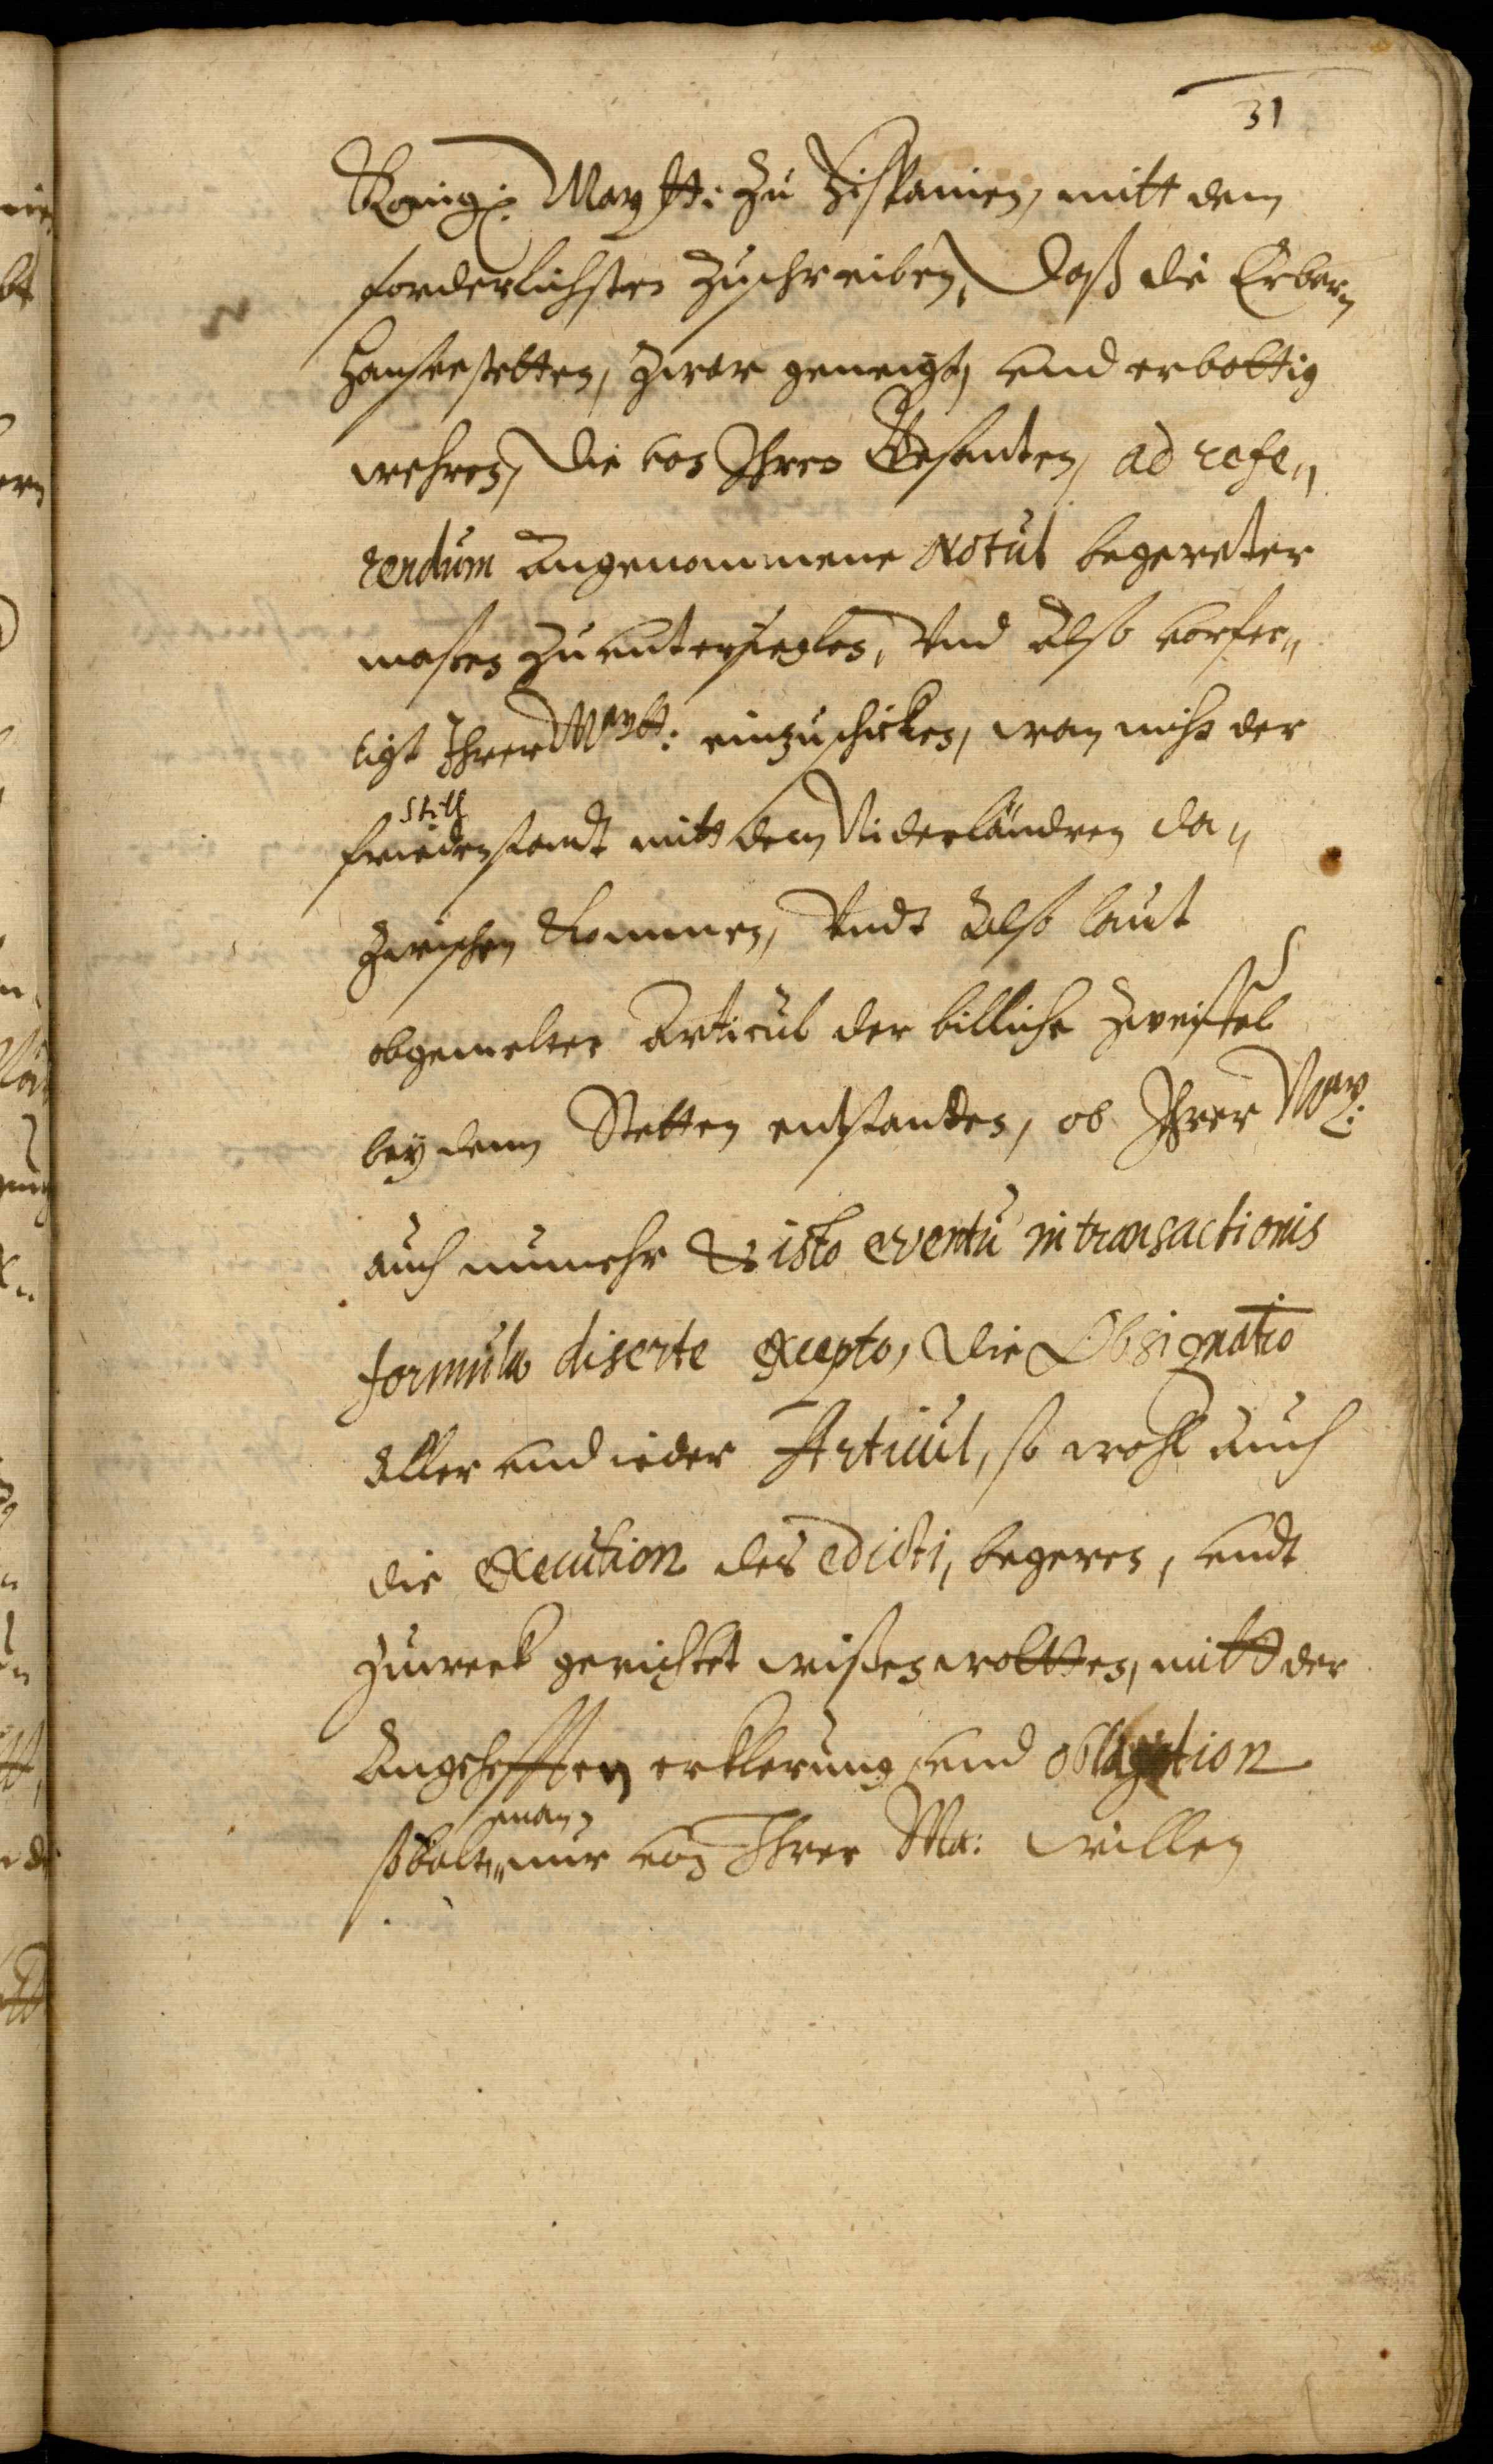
31
Konigl: Maytt: zu Hispanien, mitt dem
sonderlichsten zuschreiben, Daß die Erbarn
Hansestetten, zwar geneigt, vnd erbottig
wehren, Die von Ihren Gesanten, ad refe¬
rendum Angenommene Notul begereter
maßen zu vntersieglen, vnd also vorfer¬
tigt Ihrer Maytt: einzuschicken, wan nicht der
Still
friedenstandt mitt den Niederländren da¬
zwischen kommen, Vndt Also laut
obgemelter Articul der billiche Zweiffel
beij denn Stetten entstanden, ob Ihrer May:
auch numehr & isto eventu in transactionis
formula diserte excepto, die Obsignation
aller vnd ieder Articul, so wohl Auch
die execution des edicti, begeren, vndt
zuwerk gerichtet wißen woltten, mitt der
Angehefften erklerung, vnd obligation
sobalt man nur von Ihrer Ma: willen
